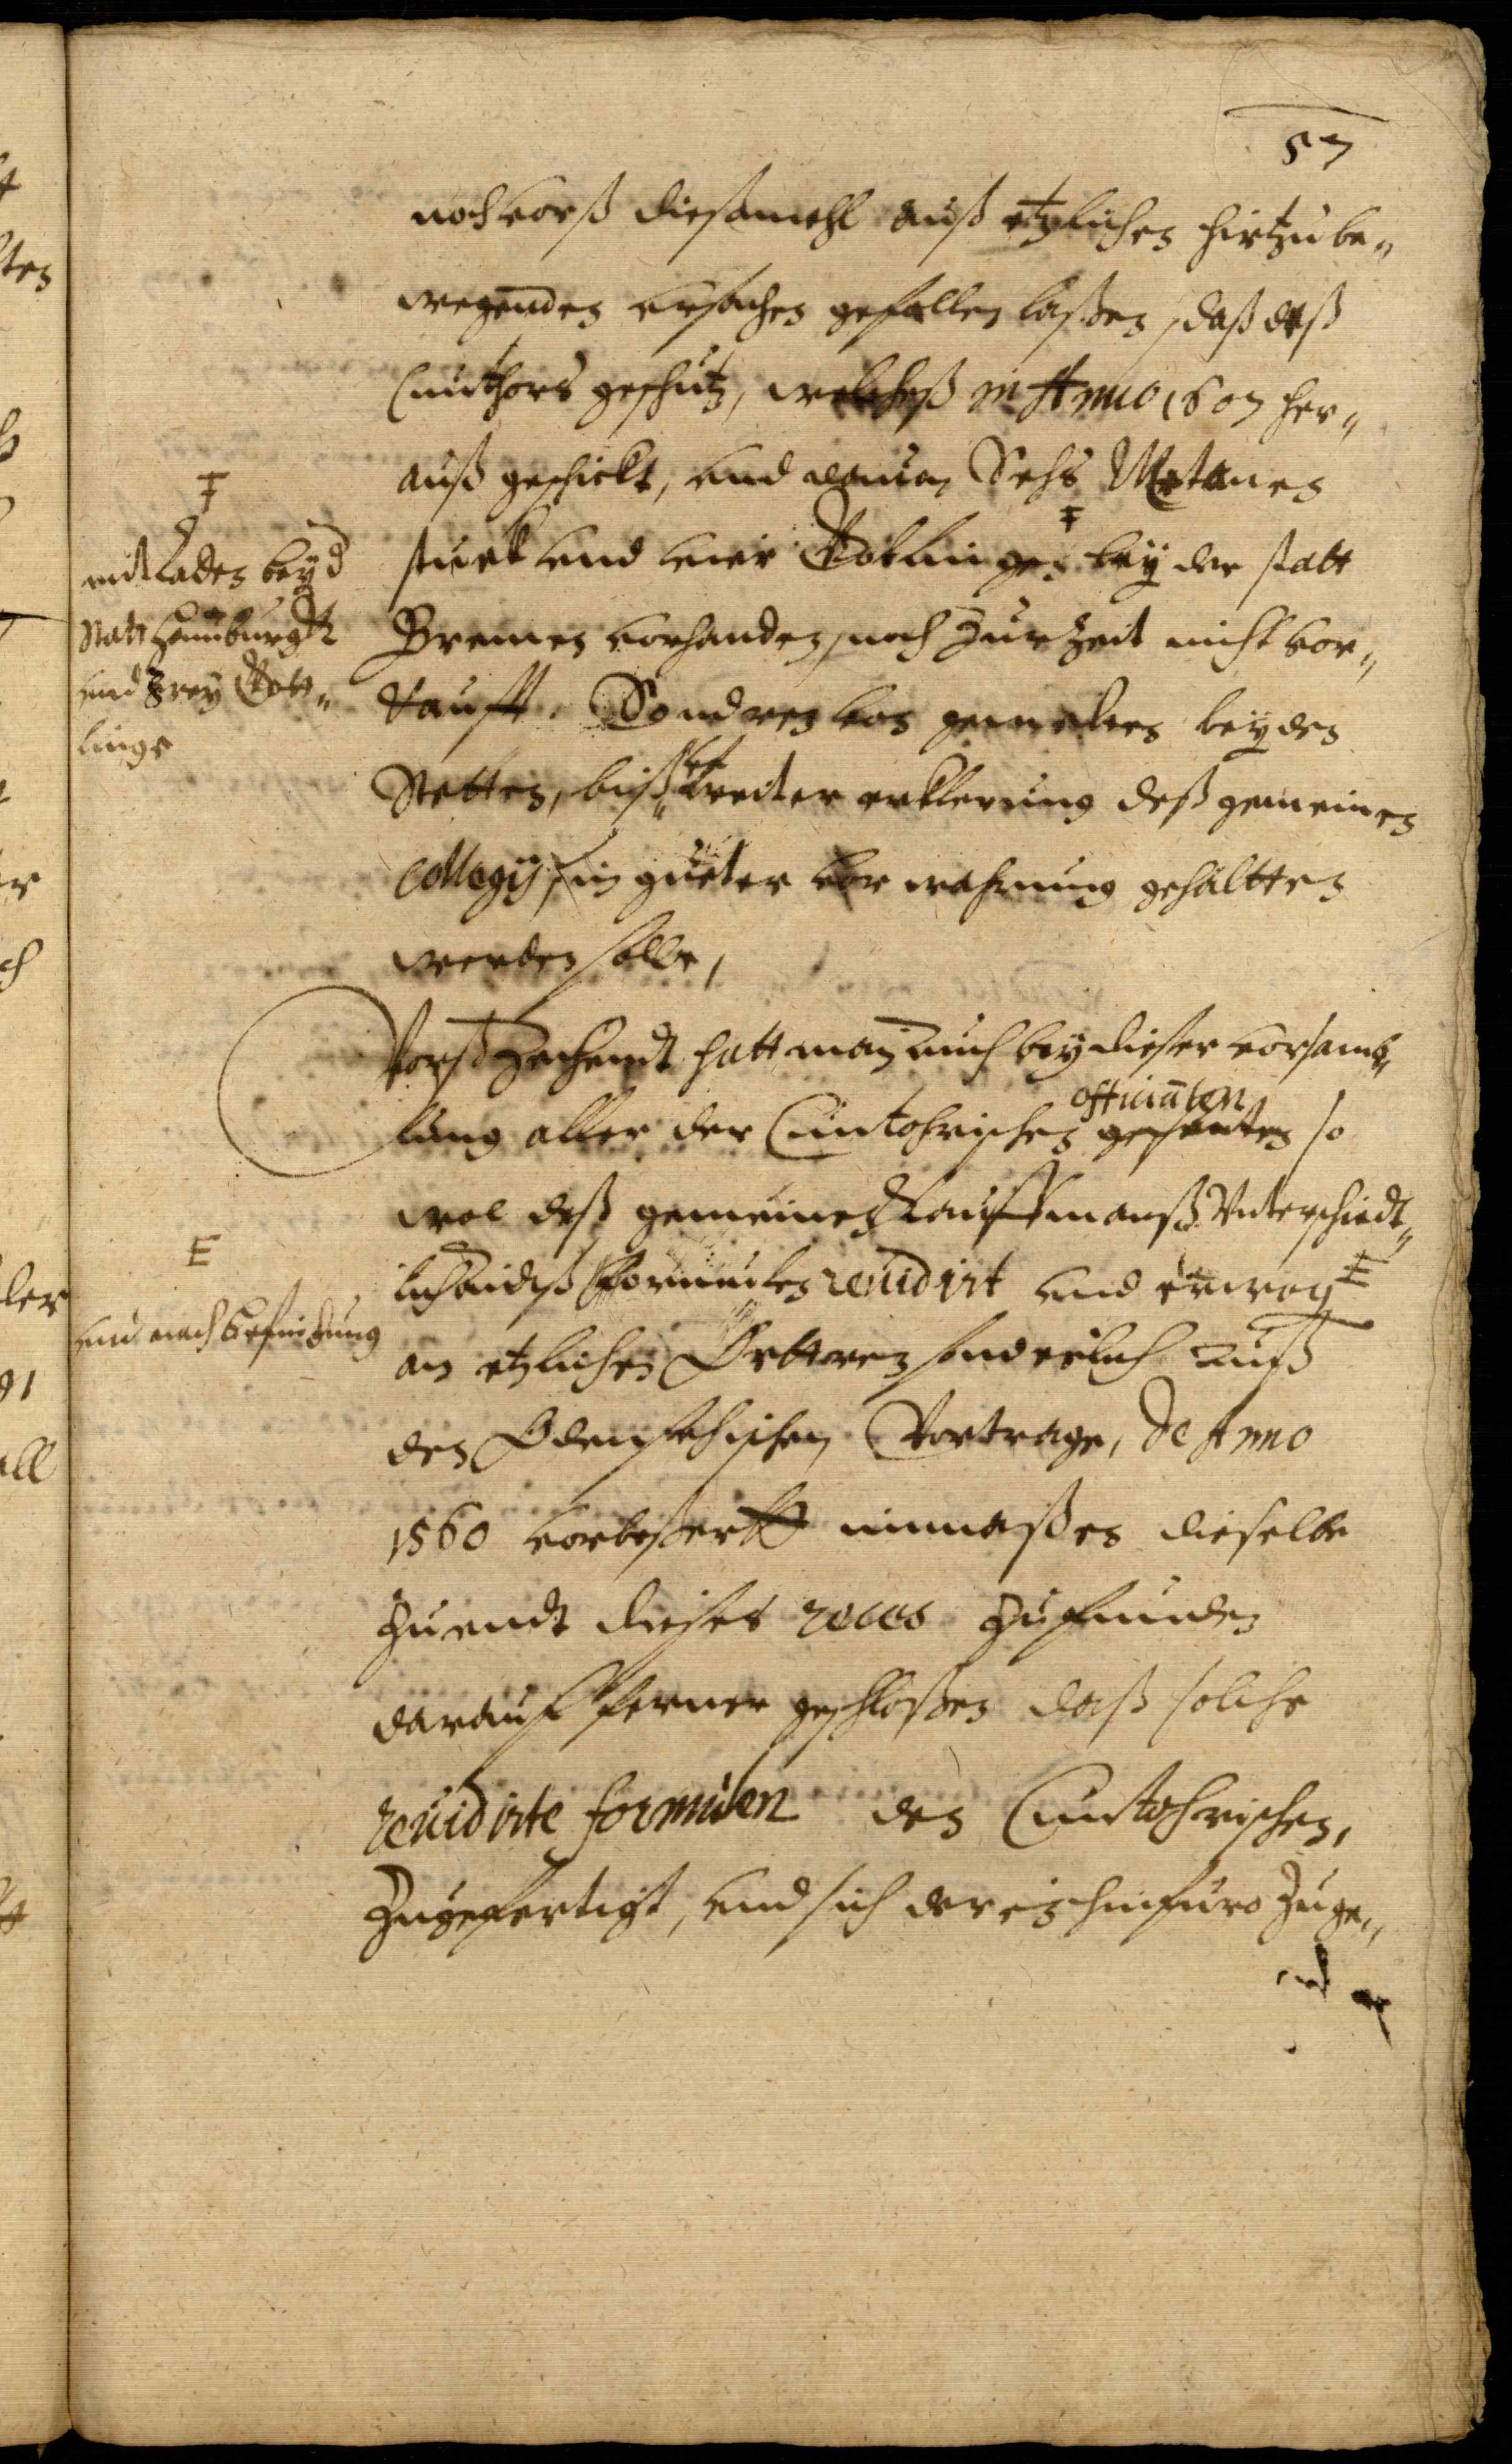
57
noch vorß dießmahl auß etzlichen hirtzu be¬
wegenden vrsachen gefallen laßen, daß deß
Cunthors geschutz, welcheß in Anno 1607 her¬
auß geschickt, vnd dauon sehs Metanen
stuck vnd vier Gotlingen F beij der statt
Bremen vorhanden, noch zurzeit nicht vor¬
kaufft. Sonderen von gemelten beijden
Stetten, biß vf weiter erklerung deß gemeinen
collegij, in gueter vor wahrung gehaltten
werden solle,
F
mit Laden beij der
statt Hamburgk
vnd zweij Gott¬
linge
Vorß Zehendt hatt man Auch beij dieser vorsamb¬
lung aber der Cuntohrischen gesanten officianten so
wol deß gemeinen Kauffmanß Vnterschiedt¬
lich Aidiß Formulen reuidirt vnd erwogen E
an etzlichen Orttern sonderlich Auß
den Odensehischen Vortrage, de Anno
1560 vorbeßertt immaßen dieselbe
zu endt dieses reces zu finden
darauf ferner geschloßen daß solche
reuidirte formulen den Cuntohrischen,
zugefertigt, vnd sich der es hinfuro zu ge¬
E
vnd nach befindung
